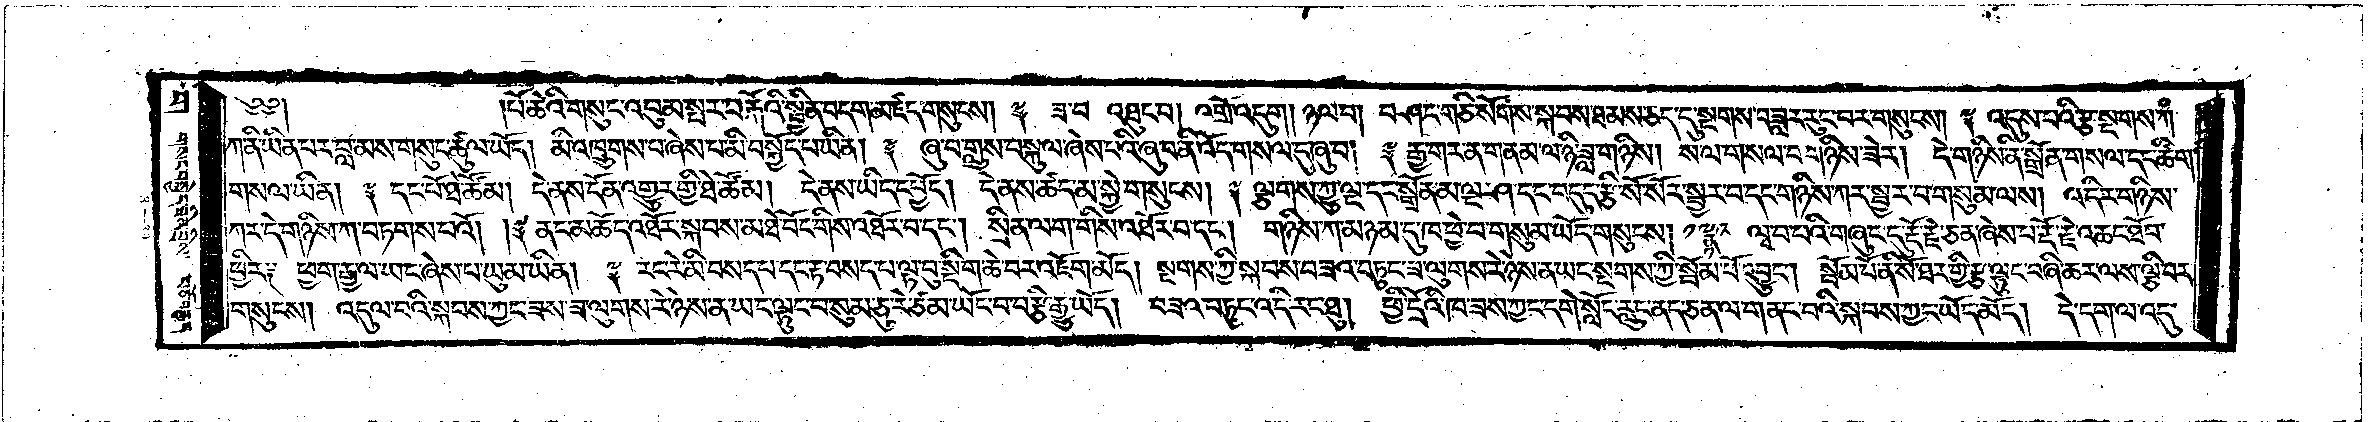༄༅། །པོ་ཆེའི་གསུང་འབུམ་སྤར་བརྐོའི་སྦྱིན་བདག་མཛད་གསུངས། ༈ ཟ་བ་འཐུང་བ། འགྲོ་འདུག། ཉལ་བ། བཤང་གཅི་སོགས་སྐབས་ཐམས་ཅད་དུ་སྔགས་བཟླར་རུང་བར་གསུངས། ༈ འདུས་པའི་རྩ་སྔགས་ཀཾ་
ཀ་ནི་ཡིན་པར་བླ་མས་གསུང་ཚུལ་ཡོད། མི་འཁྲུགས་པ་ཞེས་པ་མི་བསྐྱོད་པ་ཡིན། ༈ ཞུ་བ་གླུས་བསྐུལ་ཞེས་པའི་ཞུ་བ་ནི་འོད་གསལ་དུ་ཞུ་བ། ༈ རྒྱ་གར་ན་གནམ་ལ་ཉི་ཟླ་གཉིས། ས་ལ་གསལ་བ་གཉིས་ཟེར། དེ་གཉིས་ནི་སྒྲོན་གསལ་དང་ཚིག་
གསལ་ཡིན། ༈ དང་པོ་ཐེ་ཚོམ། དེ་ནས་དོན་འགྱུར་གྱི་ཐེ་ཚོམ། དེ་ནས་ཡིད་དཔྱོད། དེ་ནས་ཚད་མ་སྐྱེ་གསུངས། ༈ ལྕགས་ཀྱུ་ལྔ་དང་སྒྲོན་མ་ལྔ་ཤ་དང་བདུད་རྩི་སོ་སོར་སྦྱར་བ་དང་གཉིས་ཀར་སྦྱར་བ་གསུམ་ལས། འདིར་གཉིས་
ཀར་དེ་གཉིས་ཀ་བཏགས་པའོ། །༈ ནང་མཆོད་འཐོར་སྐབས་མཐེ་བོང་གིས་འཐོར་བ་དང་། སྲིན་ལག་གིས་འཐོར་བ་དང་། གཉིས་ཀ་མཉམ་དུ་ཁ་ཕྱེ་བ་གསུམ་ཡོད་གསུངས། ༡༦༢ན༡་ལྭ་བ་པའི་གཞུང་དུ་རྡོ་རྗེ་ཅན་ཞེས་པ་རྡོ་རྗེ་འཆང་ཐོབ་
ཕྱིར༑ ཕྱག་རྒྱ་ལ་ཡང་ཞེས་པ་ཡུམ་ཡིན། ༈ རང་རེ་མི་བསད་པ་དང་རྟ་བསད་པ་ལྟ་བུ་སྡིག་ཆེ་བར་འཇོག་མོད། སྔགས་ཀྱི་སྐབས་བཟའ་བཏུང་ཟ་ལུགས་རེ་ཉེས་ན་ཡང་སྔགས་ཀྱི་སྦོམ་པོ་འབྱུང་། སྦོམ་པོ་ནི་སོ་ཐར་གྱི་རྩ་ལྟུང་བཞི་ཆར་ལས་ལྕི་བར་
གསུངས། འདུལ་བའི་སྐབས་ཀྱང་ཟས་ཟ་ལུགས་རེ་ཉེས་ན་ཡང་ལྟུང་བ་སུམ་ཅུ་རེ་ཙམ་ཡོང་བ་བརྩི་རྒྱུ་ཡོད། བཟའ་བཏུང་འདི་རང་ཐུ། ཕྱི་དྲོའི་ཁ་ཟས་ཀྱང་དགེ་སློང་རླུང་ནད་ཅན་ལ་གནང་བའི་སྐབས་ཀྱང་ཡོད་མོད། དེ་དག་ལ་འདུ་